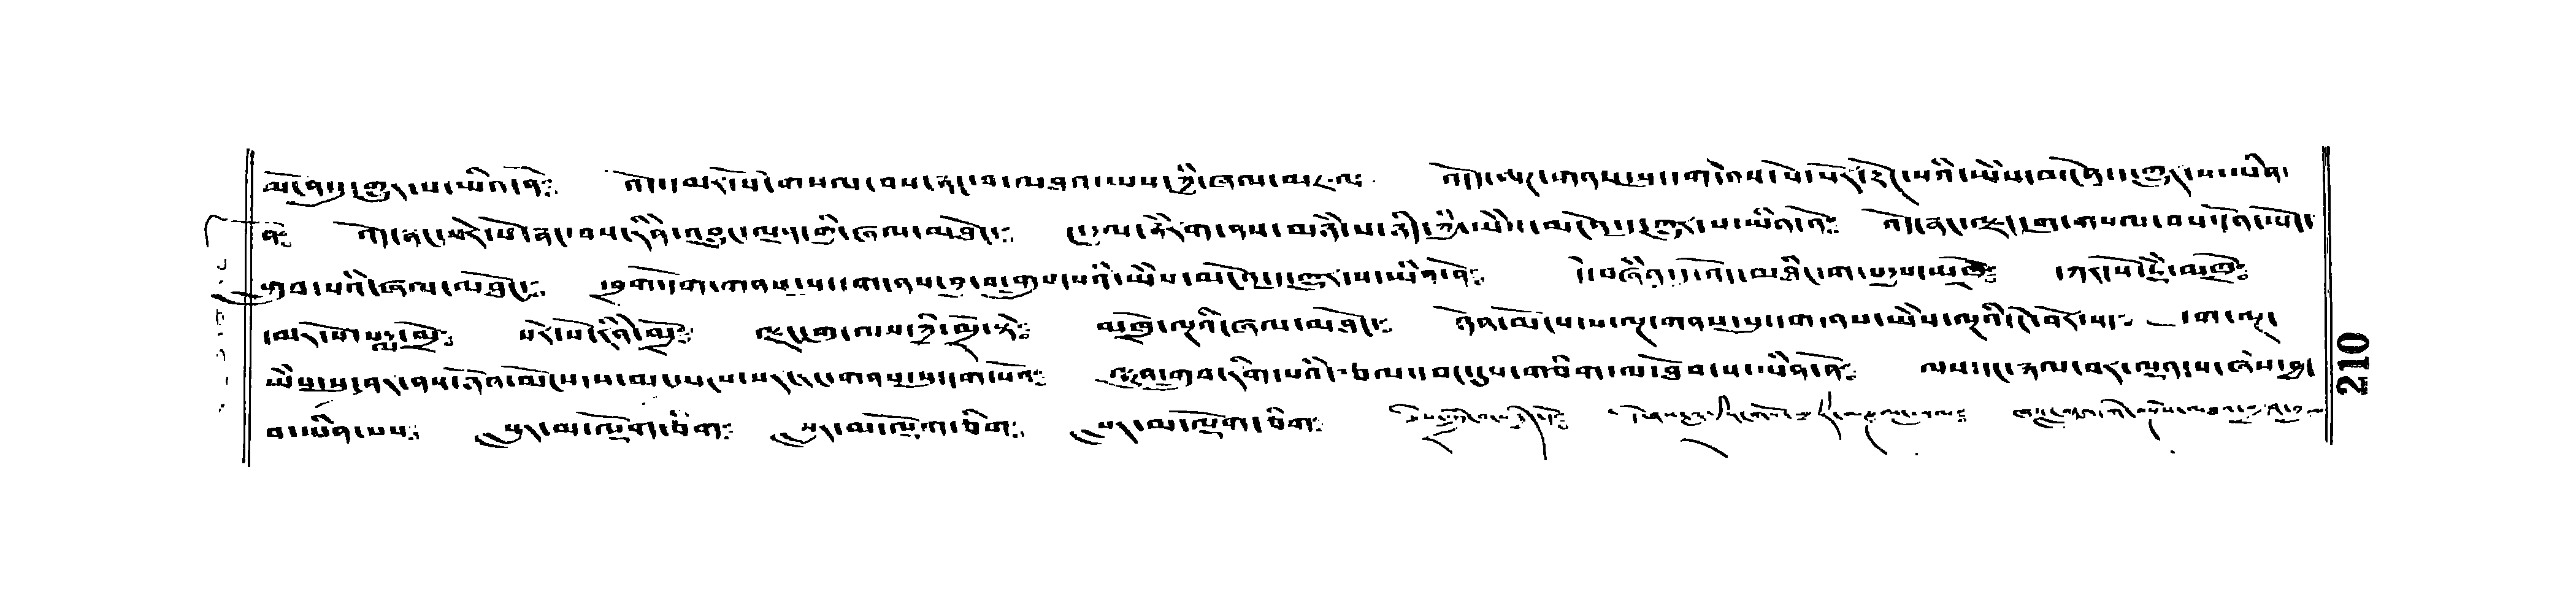མངོན་དུ་གྱུར་པ་ཡིན་ནོ༔ འོད་དམར་པོ་གསལ་བས་སྣང་བ་མཐའ་ཡས་ཀྱི་ཞལ་མཇལ༔ འདོད་ཆགས་གནས་སུ་དག་ནས་སོ་སོར་རྟོགས་པའི་ཡེ་ཤེས་མངོན་དུ་གྱུར་པ་ཡིན་
ནོ༔ འོད་སྣང་སེར་པོ་སྣང་བས་རིན་ཆེན་འབྱུང་ལྡན་གྱི་ཞལ་མཐོང༔ ང་རྒྱལ་རྣམ་པར་དག་ནས་མཉམ་པ་ཉིད་ཀྱི་ཡེ་ཤེས་མངོན་དུ་གྱུར་པ་ཡིན་ནོ༔ འོད་སྣང་ལྗང་གུ་གསལ་བས་དོན་ཡོད་
གྲུབ་པའི་ཞལ་མཐོང༔ ཕྲག་དོག་གནས་སུ་དག་ནས་བྱ་བ་གྲུབ་པའི་ཡེ་ཤེས་མངོན་དུ་གྱུར་པ་ཡིན་ནོ༔ དེ་བཞིན་དུ་འོད་མཐིང་ག་སངས་རྒྱས་མཁའ་འགྲོ༔ དཀར་པོ་རྡོ་རྗེ་མཁའ་འགྲོ༔ 
དམར་པོ་པདྨ་མཁའ་འགྲོ༔ སེར་པོ་རིན་ཆེན་མཁའ་འགྲོ༔ ལྗང་གུ་ལས་ཀྱི་མཁའ་འགྲོ་སྟེ༔ མཁའ་འགྲོ་ལྔའི་ཞལ་མཐོང༔ ཉོན་མོངས་པ་ལྔ་གནས་སུ་དག་ནས་ཡེ་ཤེས་ལྔའི་ངོ་བོར་སད༔ དུག་ལྔ་
ཡེ་ཤེས་སུ་ཤར་ནས་ཉོན་མོངས་པ་མ་སྤངས་པར་རང་གནས་སུ་དག་པའོ༔ལྷུན་གྲུབ་རིག་པའི་རྩལ་དབང་དུས་གཅིག་ལ་ཐོབ་པ་ཡིན་ནོ༔ ལས་དང་སྐལ་བར་ལྡན་པ་ཞེས་བྱ་
བ་ཡིན་པས༔ སླར་མ་ལྡོག་ཅིག༔ སླར་མ་ལྡོག་ཅིགཿ སླར་མ་ལྡོག་ཅིག༔ ཅེས་སྤྲོ་བ་བསྐྱེད་དོ༔ དེ་ནས་སྐུ་དྲིན་གསོ་ཕྱིར་མཎྜལ་ཕུལ༔ ཁས་བླངས་དགེ་བསྔོས་མཐའ་བརྒྱན་བྱ༔